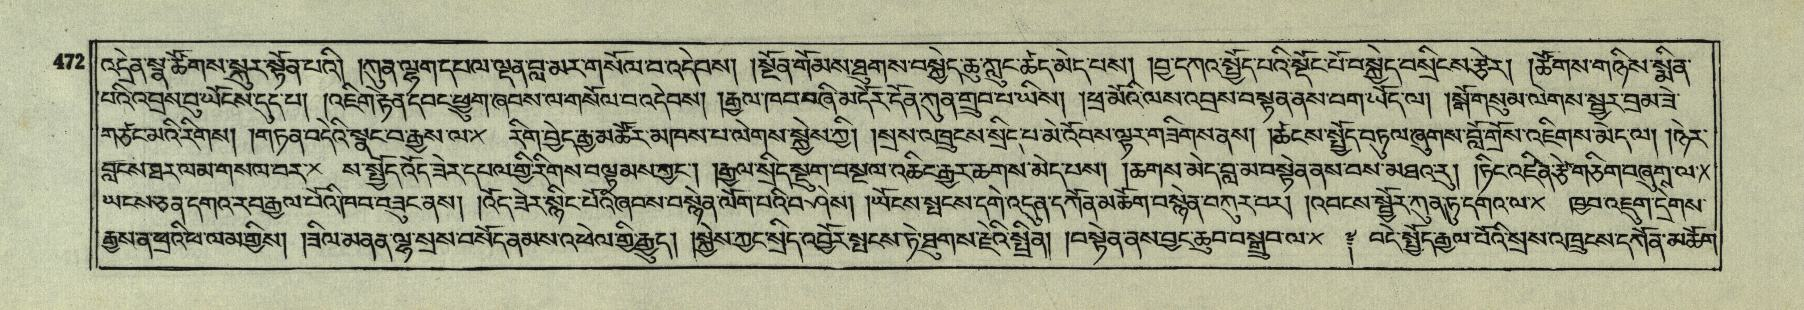འདྲེན་སྣ་ཚོགས་སྐུར་སྟོན་པའི། །ཀུན་ལྷག་དཔལ་ལྡན་བླ་མར་གསོལ་བ་འདེབས། །སྔོན་གོམས་ཐུགས་བསྐྱེད་ཆུ་ཀླུང་ཚད་མེད་པས། །བྱ་དཀའ་སྤྱོད་པའི་སྡོང་པོ་བསྐྱེད་བསྲིངས་རྩེར། །ཚོགས་གཉིས་སྨིན་
པའི་འབྲས་བུ་ཡོངས་དུད་པ། །འཇིག་རྟེན་དབང་ཕྱུག་ཞབས་ལ་གསོལ་བ་འདེབས། །རྒྱལ་ཁབ་བཞི་མདོར་དོན་ཀུན་གྲུབ་པ་ཡིས། །ཕྲ་མོའི་ལས་འབྲས་བསྟན་ནས་བག་ཡོད་ལ། །སྒོ་གསུམ་ལེགས་སྦྱར་བྲམ་ཟེ་
གཙང་མའི་རིགས། །གཏན་བདེའི་སྣང་བ་རྒྱས་ལ་྾་རིག་བྱེད་རྒྱ་མཚོར་མཁས་པ་ལེགས་སྐྱེས་ཀྱི། །སྲས་འཁྲུངས་སྲིད་པ་མེ་འོབས་ལྟར་གཟིགས་ནས། །ཚངས་སྤྱོད་བཏུལ་ཞུགས་བློ་གྲོས་འཇིགས་མེད་ལ། །ཉེར་
བླངས་ཐར་ལམ་གསལ་བར་྾་ས་སྤྱོད་འོད་ཟེར་དཔལ་གྱི་རིགས་བལྟམས་ཀྱང་། །རྒྱལ་སྲིད་སྡུག་བསྔལ་འཆིང་རྒྱར་ཆགས་མེད་པས། །ཆགས་མེད་བླ་མ་བསྟེན་ནས་བས་མཐའ་རུ། །ཏིང་འཛིན་རྩེ་གཅིག་བཞུགས་ལ་྾་
ཡངས་ཅན་དགའ་རབ་རྒྱལ་པོའི་ཁབ་བཟུང་ནས། །འོད་ཟེར་སྙིང་པོའི་ཞབས་བསྙེན་ལོག་པའི་བཤེས། །ཡོངས་སྤངས་དགེ་འདུན་དཀོན་མཆོག་བསྙེན་བཀུར་བར། །འབངས་སྦྱོར་ཀུན་ཏུ་དགའ་ལ་྾་ཁྱབ་འཇུག་དྲེགས་
རྒྱས་ན་ཕྲའི་ཕ་ལམ་གྱིས། །ཟིལ་མནན་ལྷ་སྲས་བསོད་ནམས་འཕེལ་གྱི་རྒྱུད། །སྐྱེས་ཀྱང་སྲིད་འབྱོར་སྤངས་ཏེ་ཐུགས་རྗེའི་སྤྲིན། །བསྟེན་ནས་བྱང་ཆུབ་བསྒྲུབ་ལ་྾་འ་བདེ་སྤྱོད་རྒྱལ་པོའི་སྲས་འཁྲུངས་དཀོན་མཆོག་